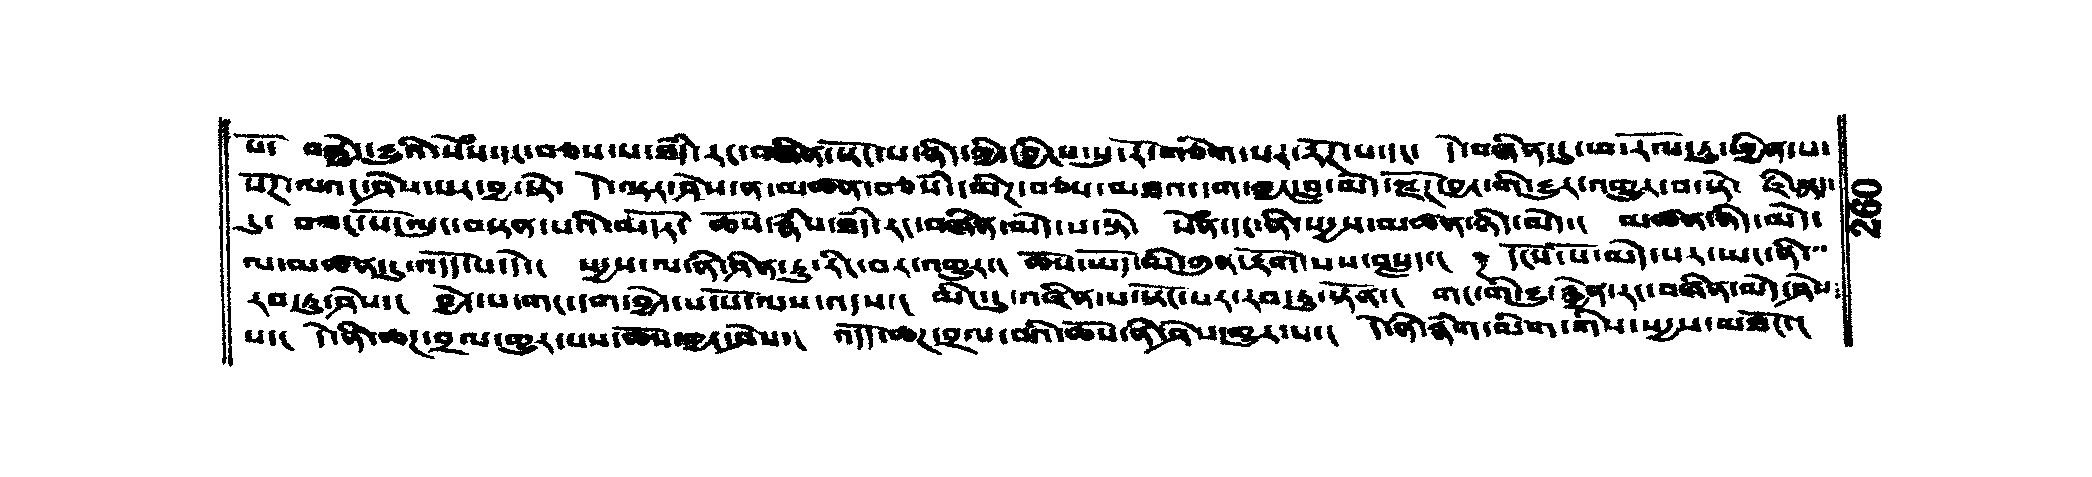པོ། བསྐྱེད་རྒྱུའི་སེམས་དང་བཅས་པ་ཐམས་ཅད་རང་བཞིན་སྟོང་པ་ཉིད་ཀྱི་དབྱིངས་སུ་རོ་གཅིག་པར་རྟོགས་པ་དང་། དེ་བཞིན་དུ་ཕ་རོལ་ཏུ་ཕྱིན་པ་
སོགས་ལའང་ཤེས་པར་བྱ་སྟེ། དེ་ལྟར་ཤེས་ན་མཚན་བཅས་སམ་དམིགས་བཅས་མཐའ་དག་ཀྱང་བླ་མེད་རྫོགས་བྱང་གི་རྒྱུར་འགྱུར་བ་སྟེ། ཇི་སྐད་
དུ། བཟང་པོ་ལུང་བསྟན་པའི་མདོར། ཆོས་རྣམས་ཐམས་ཅད་རང་བཞིན་མེད་པ་སྟེ། །སེམས་ཅན་དང་ནི་སངས་རྒྱས་མཚན་ཉིད་མེད། །མཚན་ཉིད་མེད་
ལ་མཚན་དུ་འདོད་པ་དེ། །སངས་རྒྱས་ལ་ནི་ཤིན་ཏུ་རིང་བར་འགྱུར། །ཆོས་ཡོད་མི་ཀུན་རྟོག་པས་བསླད།དངོས་པོ་མེད་པར་ཡང་ནི་
རབ་ཏུ་ཤེས། །བྱེད་པ་གང་དག་བྱེད་པ་པོ་ལས་འདས། །མིང་དུ་འཛིན་པ་སྟོང་པར་རབ་ཏུ་སྟོན། །གང་གི་རྒྱུ་རྐྱེན་རང་བཞིན་མེད་ཤེས་
པ། །དེ་ནི་ཆགས་བྲལ་གྱུར་པས་ཆོས་ཀྱང་ཤེས། །འདོད་ཆགས་བྲལ་བའི་ཆོས་ནི་ཤེས་གྱུར་པ། །དེ་ནི་རྣམ་དག་མིག་གིས་སངས་རྒྱས་མཐོང་།